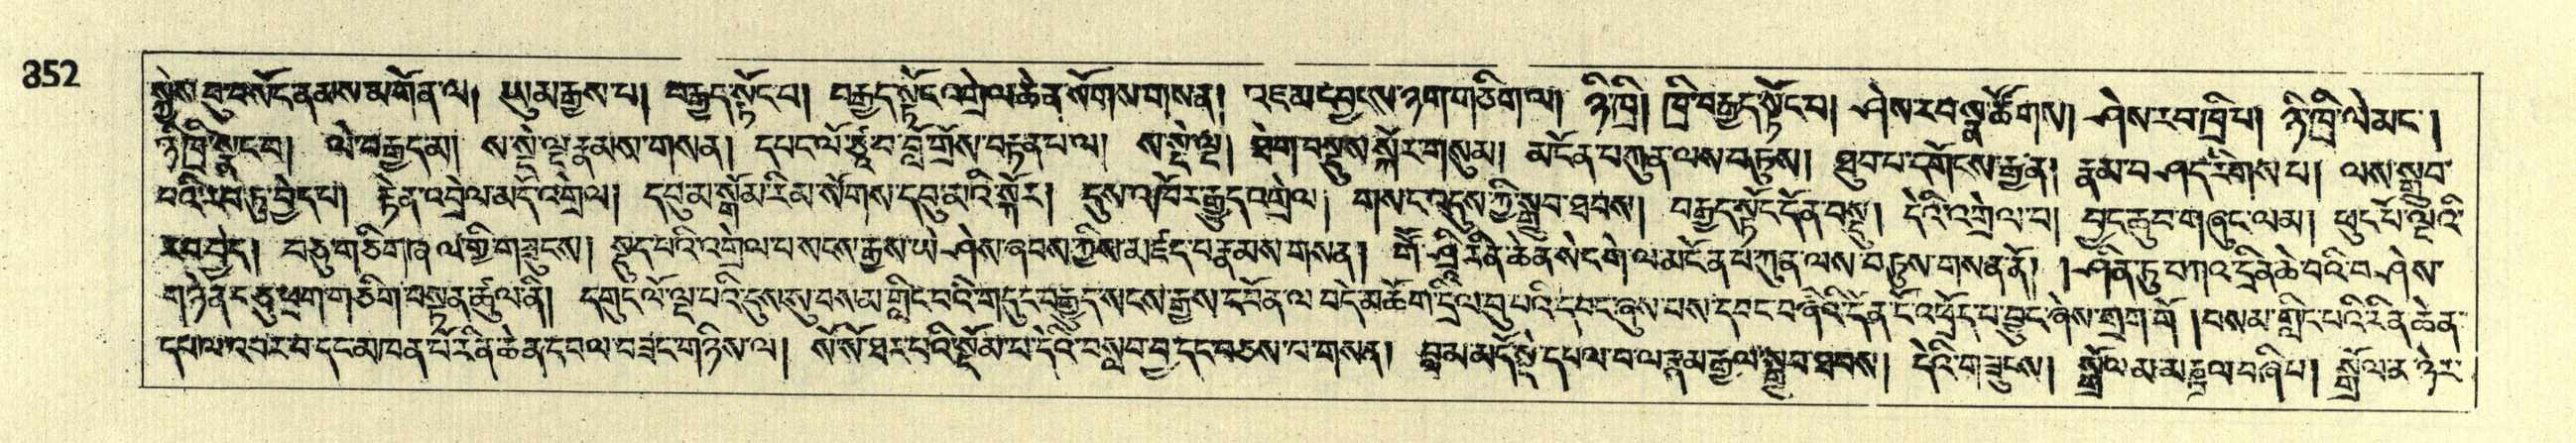སྐྱེས་བུ་བསོད་ནམས་མགོན་ལ། ཡུམ་རྒྱས་པ། བརྒྱད་སྟོང་པ། བརྒྱད་སྟོང་འགྲེལ་ཆེན་སོགས་གསན། འཇམ་དབྱངས་ཉག་གཅིག་ལ། ཉི་ཁྲི། ཁྲི་བརྒྱད་སྟོང་པ། ཤེས་རབ་སྣ་ཚོགས། ཤེས་རབ་ཁྲི་པ། ཉི་ཁྲི་ལེ་མང་།
ཉི་ཁྲི་སྣང་བ། ལེ་བརྒྱད་མ། ས་སྡེ་ལྔ་རྣམས་གསན། དཔང་ལོ་ཙཱ་བ་བློ་གྲོས་བརྟན་པ་ལ། ས་སྡེ་ལྔ། ཐེག་བསྡུས་སྐོར་གསུམ། མངོན་པ་ཀུན་ལས་བཏུས། ཐུབ་པ་དགོངས་རྒྱན། རྣམ་བཤད་རིགས་པ། ལས་སྒྲུབ་
བའི་རབ་ཏུ་བྱེད་པ། རྟེན་འབྲེལ་མདོ་འགྲེལ། དབུ་མ་སྒོམ་རིམ་སོགས་དབུ་མའི་སྐོར། དུས་འཁོར་རྒྱུད་འགྲེལ། གསང་འདུས་ཀྱི་སྒྲུབ་ཐབས། བརྒྱད་སྟོང་དོན་བསྡུ། དེའི་འགྲེལ་བ། བྱང་ཆུབ་གཞུང་ལམ། ཕུང་པོ་ལྔའི་
རབ་བྱེད། བཅུ་གཅིག་ཞལ་གྱི་གཟུངས། སྡུད་པའི་འགྲེལ་པ་སངས་རྒྱས་ཡེ་ཤེས་ཞབས་ཀྱིས་མཛད་པ་རྣམས་གསན། གཽ་ཤྲཱི་རིན་ཆེན་སེང་གེ་ལ་མངོན་པ་ཀུན་ལས་བཏུས་གསན་ནོ། །ཤིན་ཏུ་བཀའ་དྲིན་ཆེ་བའི་བཤེས་
གཉེན་བཅུ་ཕྲག་གཅིག་བསྟན་ཚུལ་ནི། དགུང་ལོ་ལྔ་པའི་དུས་སུ་བསམ་གླིང་བའི་གདུང་བརྒྱུད་སངས་རྒྱས་དབོན་ལ་བདེ་མཆོག་དྲིལ་བུ་པའི་དབང་ཞུས་པས་དབང་བཞིའི་དོན་ངོ་འཕྲོད་པ་བྱུང་ཞེས་གྲག་གོ །བསམ་གླིང་པའི་རིན་ཆེན་
དཔལ་འབར་བ་དང་མཁན་པོ་རིན་ཆེན་དཔལ་བཟང་གཉིས་ལ། སོ་སོ་ཐར་པའི་སྡོམ་པ་དེའི་བསླབ་བྱ་དང་བཅས་བ་གསན། བླ་མ་མདོ་སྡེ་དཔལ་བ་ལ་རྣམ་རྒྱལ་སྒྲུབ་ཐབས། དེའི་གཟུངས། སྒྲོལ་མ་མཎྜལ་བཞི་པ། སྒྲོལ་ན་ཉེར་